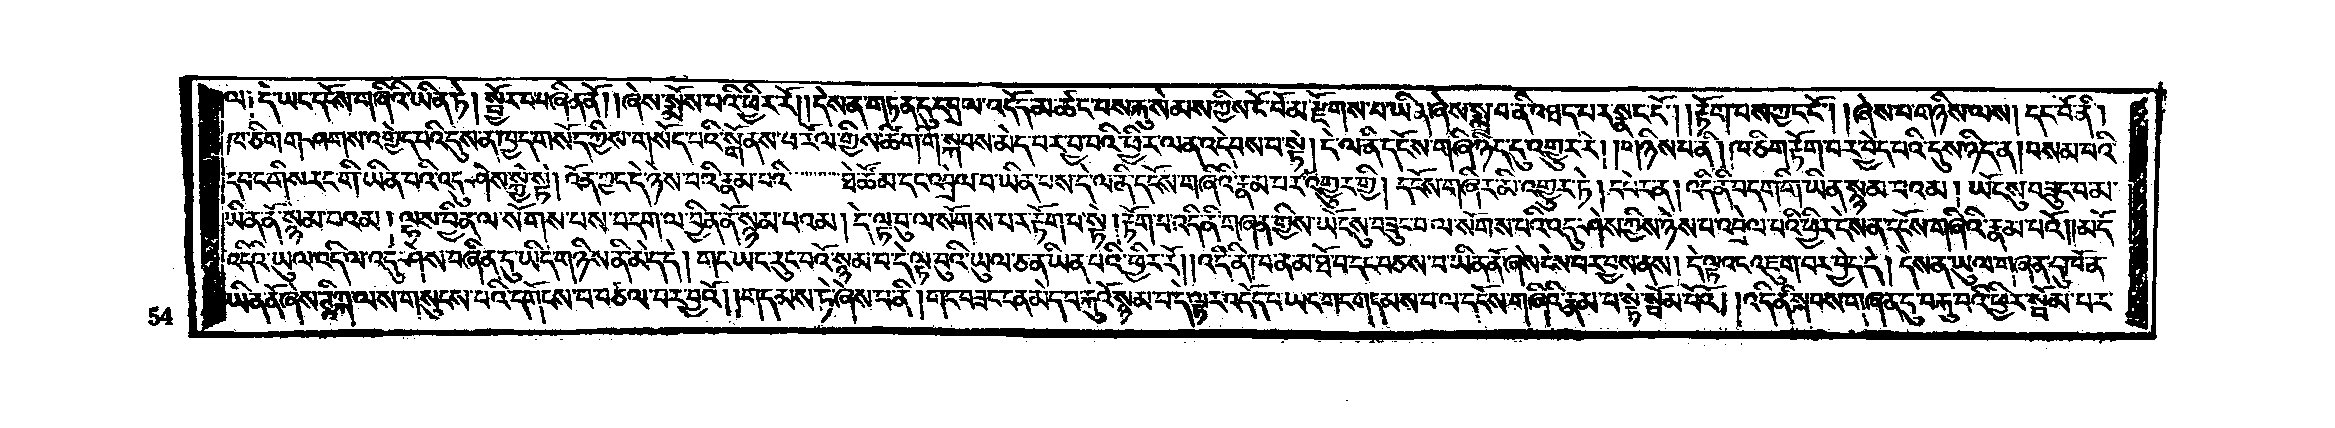ལ། དེ་ཡང་དངོས་གཞིའི་ཡིན་ཏེ། སྦྱོར་བ་བཞིན་ནོ། །ཞེས་སྨོས་པའི་ཕྱིར་རོ། །དེས་ན་གཏན་དུ་དཔྲལ་འདོད་མ་ཚང་བས་རྐུ་སེམས་ཀྱིས་ངོ་བོ་མ་རྫོགས་པ་ཡིན་ཞེས་སྨྲ་བ་ནི་འཐད་པར་སྣང་ངོ། །རྟོག་པས་ཀྱང་ངོ། །ཞེས་པ་གཉིས་ལས། དང་པོ་ནི།
ཁ་ཅིག་གཤགས་འགྱེད་པའི་དུས་ན་ཁྱད་གསོད་ཀྱིས་གསོད་པའི་སྒོ་ནས་ཕ་རོལ་གྱིས་ཚིག་གི་སྐབས་མེད་པར་བྱ་བའི་ཕྱིར་ལན་འདེབས་པ་སྟེ། དེ་ལ་ནི་དངོས་གཞི་ཉིད་དུ་འགྱུར་རོ། །གཉིས་པ་ནི། ཁ་ཅིག་རྟོག་པར་བྱེད་པའི་དུས་ཉིད་ན། བསམ་པའི་
དབང་གིས་རང་གི་ཡིན་པའི་འདུ་ཤེས་སྐྱེ་སྟེ། འོན་ཀྱང་དེ་ཉེས་པའི་རྣམ་པའི་ཐེ་ཚོམ་དང་འབྲེལ་བ་ཡིན་པས་དེ་ལ་ནི་དངོས་གཞིའི་རྣམ་པར་འགྱུར་གྱི། དངོས་གཞིར་མི་འགྱུར་ཏེ། དཔེར་ན། འདི་ནི་བདག་གི་ཡིན་སྙམ་པའམ། ཡོངས་སུ་བཟུང་བ་མ་
ཡིན་ནོ་སྙམ་པའམ། ལྷས་བྱིན་ལ་སོགས་པས་བདག་ལ་བྱིན་ནོ་སྙམ་པའམ། དེ་ལྟ་བུ་ལ་སོགས་པར་རྟོག་པ་སྟེ། རྟོག་པ་འདི་ནི་གཞན་གྱིས་ཡོངས་སུ་བཟུང་བ་ལ་སོགས་པའི་འདུ་ཤེས་ཀྱིས་ཉེས་པ་འབྲེལ་པའི་ཕྱིར་དེས་ན་དངོས་གཞིའི་རྣམ་པའོ། །མདོ་
འདིའི་ཡུལ་འདི་ལ་འདུ་ཤེས་བཞིན་དུ་ཡིད་གཉིས་ནི་མེད་དེ། གང་ཡང་རུང་བའོ་སྙམ་པ་དེ་ལྟ་བུའི་ཡུལ་ཅན་ཡིན་པའི་ཕྱིར་རོ། །འདི་ནི་ཁ་ན་མ་ཐོ་བ་དང་བཅས་པ་ཡིན་ནོ་ཞས་ངེས་པར་བྱས་ནས། དེ་ལྟའང་འཇུག་པར་བྱེད་དེ། དེས་ན་ཡུལ་གཞན་དུ་ཁོ་ན་
ཡིན་ནོ་ཞེས་ཊཱིཀྐ་ལས་གསུངས་པའི་དགོངས་པ་བཙལ་བར་བྱའོ། །གདམས་ཏེ་ཞེས་པ་ནི། གང་བཟང་ངན་མེད་པ་རྐུའོ་སྙམ་པ་དེ་ལྟར་འདོད་པ་ཡང་གང་གདམས་པ་ལ་དངོས་གཞིའི་རྣམ་པ་སྟེ་སྦོམ་པོའོ། །འདི་ནི་སྐབས་གཞན་དུ་བརྐུ་བའི་ཕྱིར་སྦོམ་པར་